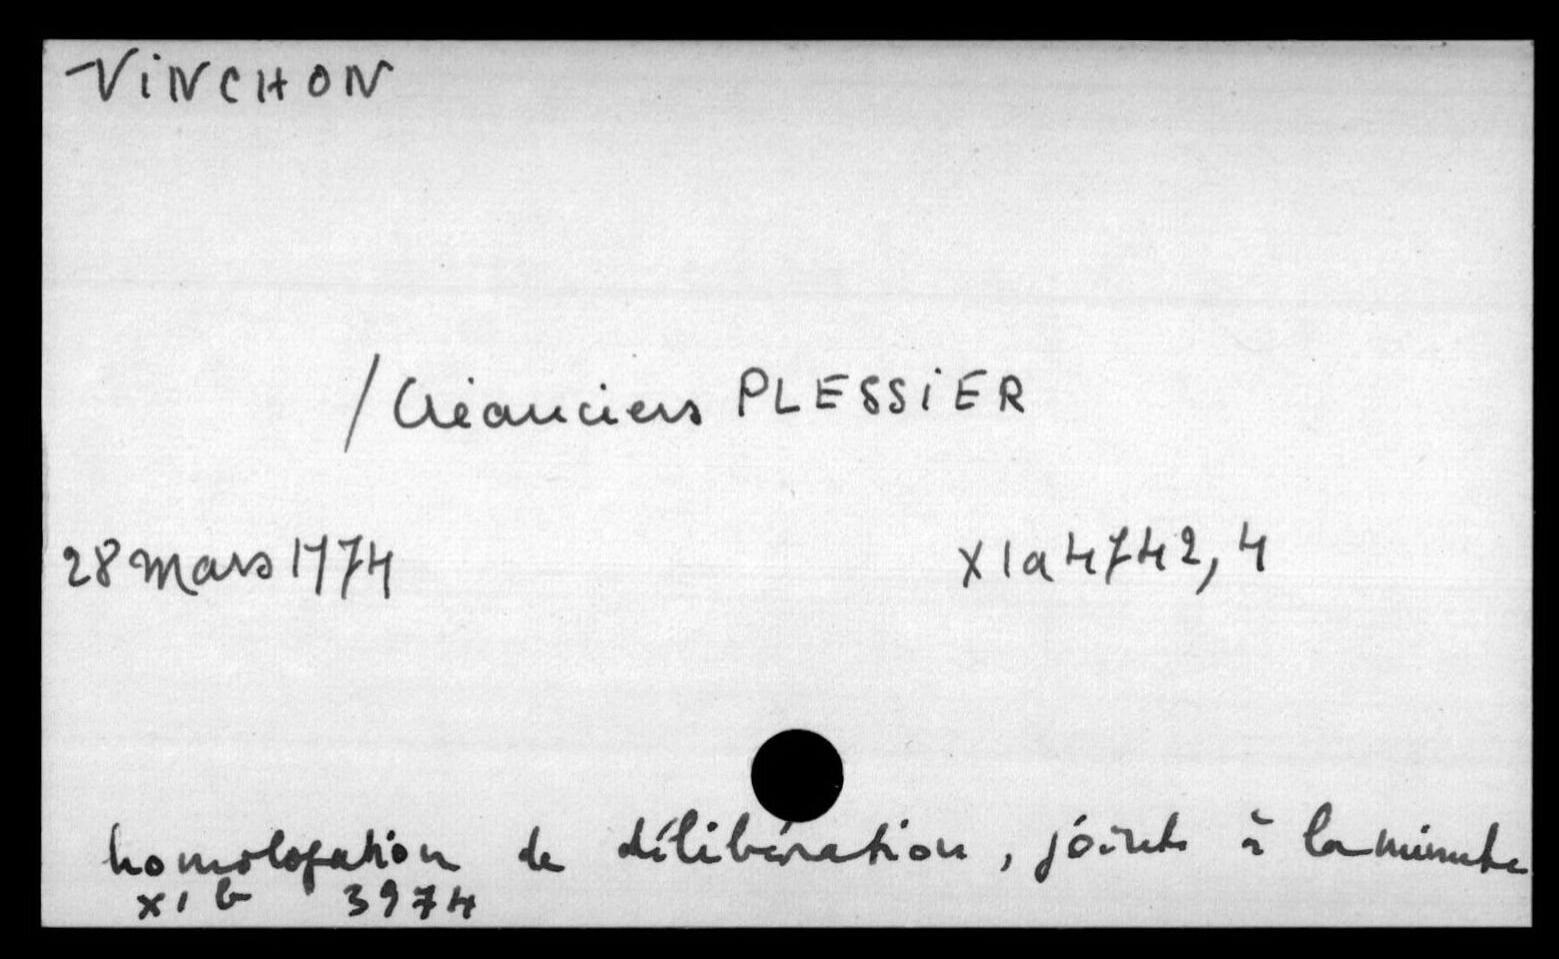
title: VINCHON VINCHEN C
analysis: Contre Créanciers PLESSIER
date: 28 mars 1774
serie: X1a
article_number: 4742
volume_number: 4
